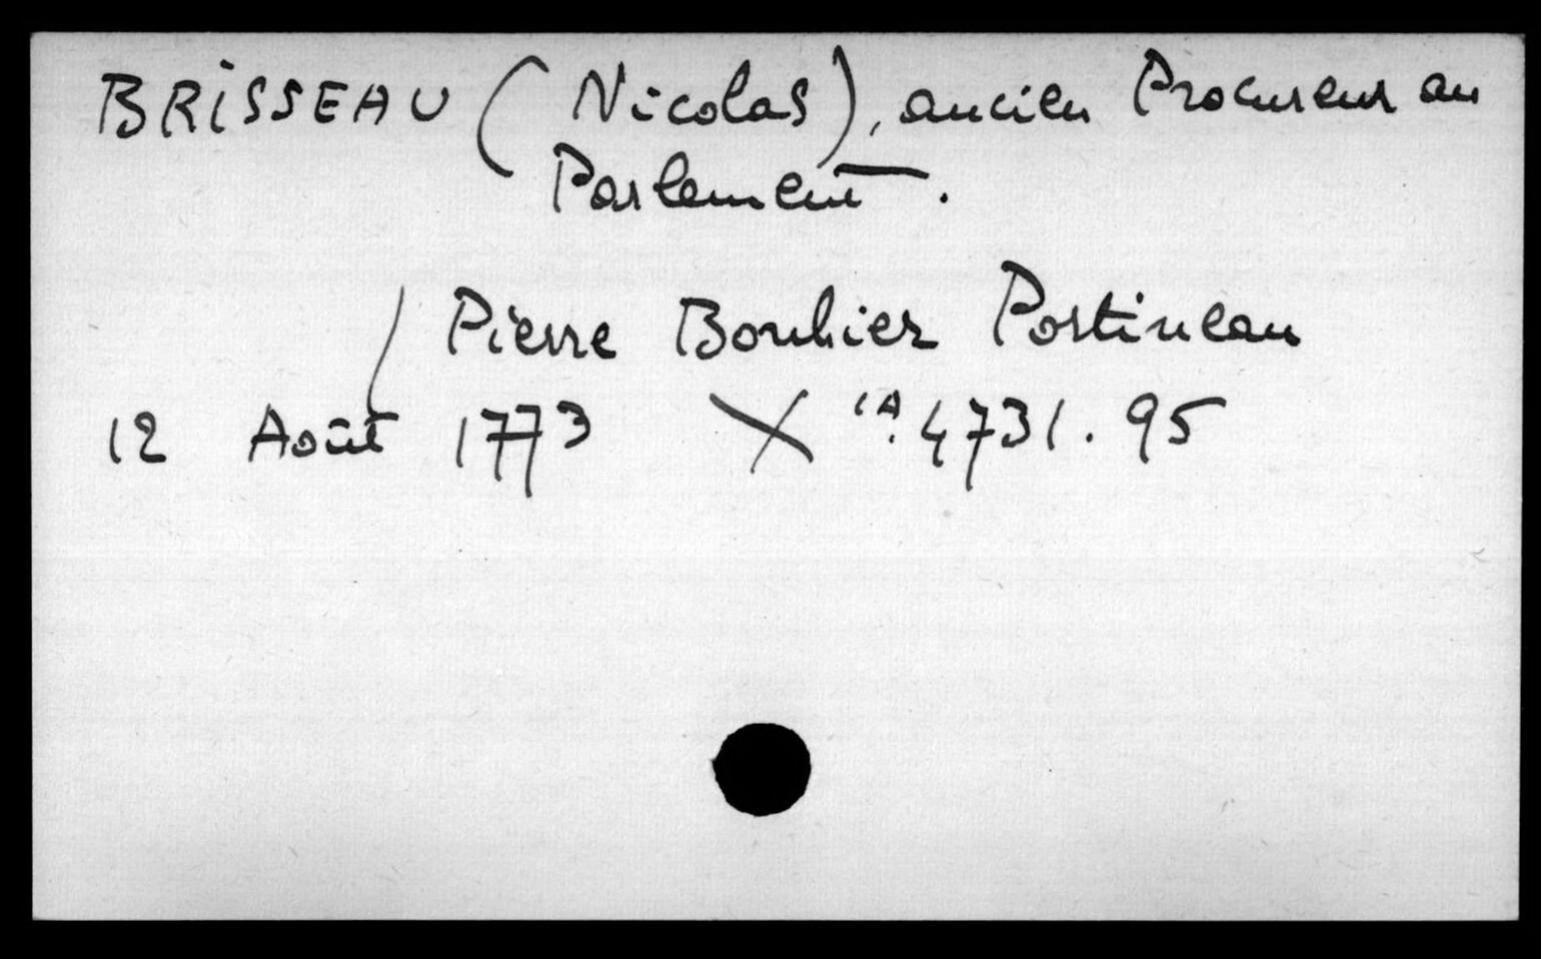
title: BRISSEAU (Nicolas), ancien Procureur au Parlement
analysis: Contre Pierre Boulier Portineau
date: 12 août 1773
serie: X1A
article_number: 4731
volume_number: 95
